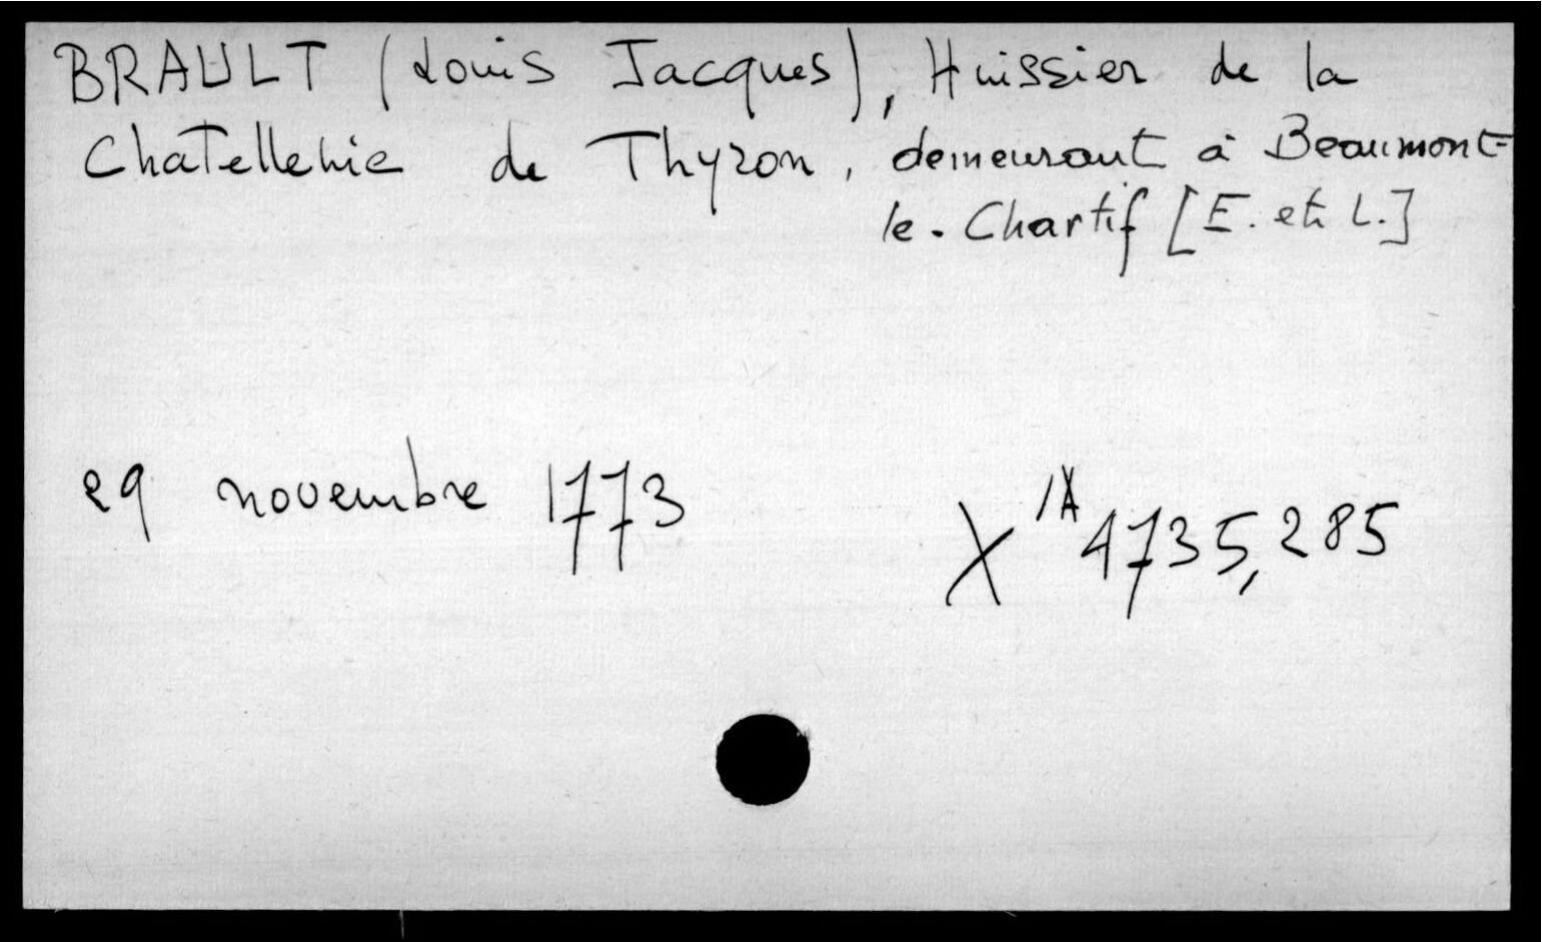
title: BRAULT (Louis Jacques), Huissier de la Châtellenie de Thyron, demeurant à Beaumont-le-Chartif [Eure-et-Loir]
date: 29 novembre 1773
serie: X1A
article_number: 4735
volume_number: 285
